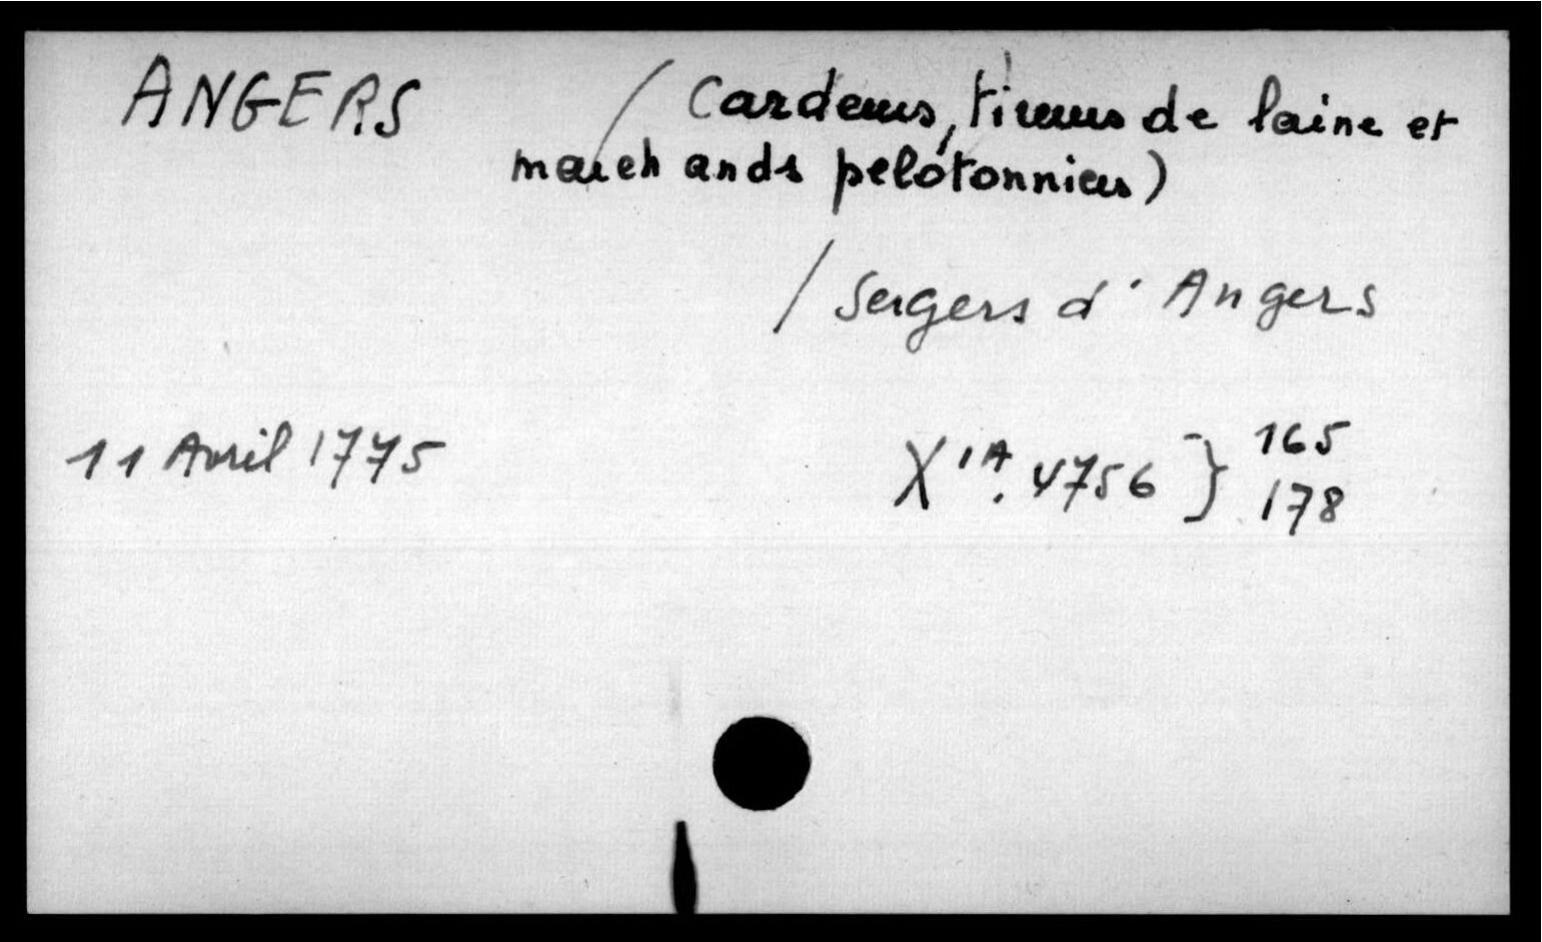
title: ANGERS (Cardeurs, tireurs de laine et marchands pelotonniers)
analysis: Contre Sergers d'Angers
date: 11 avril 1775
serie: X1A
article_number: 4756
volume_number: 165, 178
